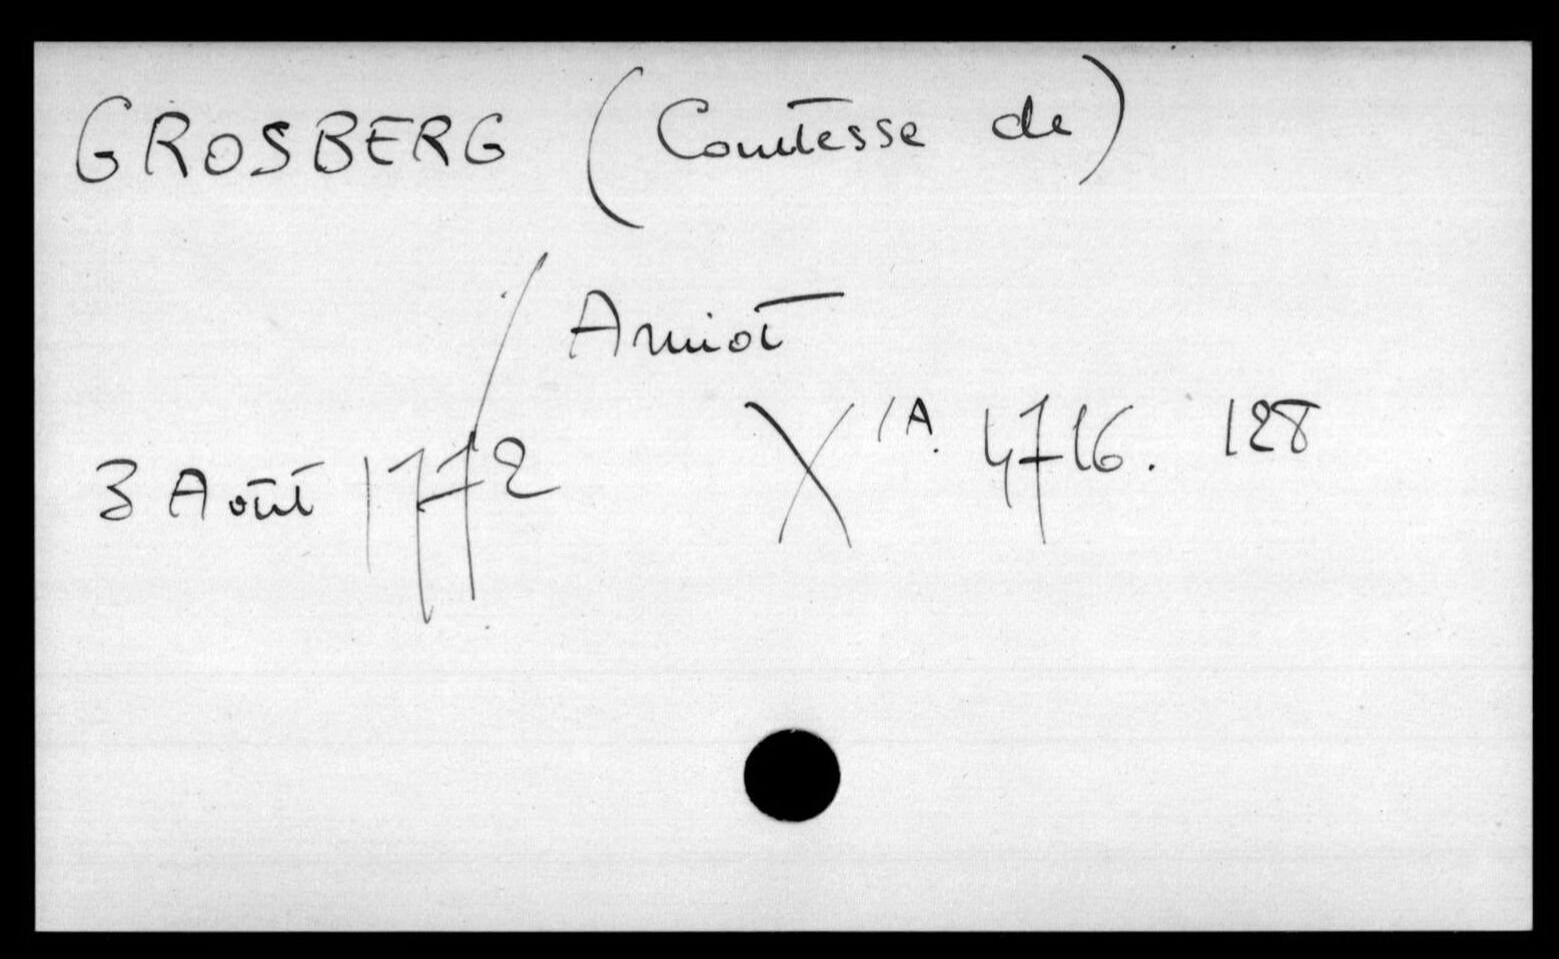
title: GROSBERG (Comtesse de)
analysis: Contre Amiot
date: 3 août 1772
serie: X1A
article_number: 4716
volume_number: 128
